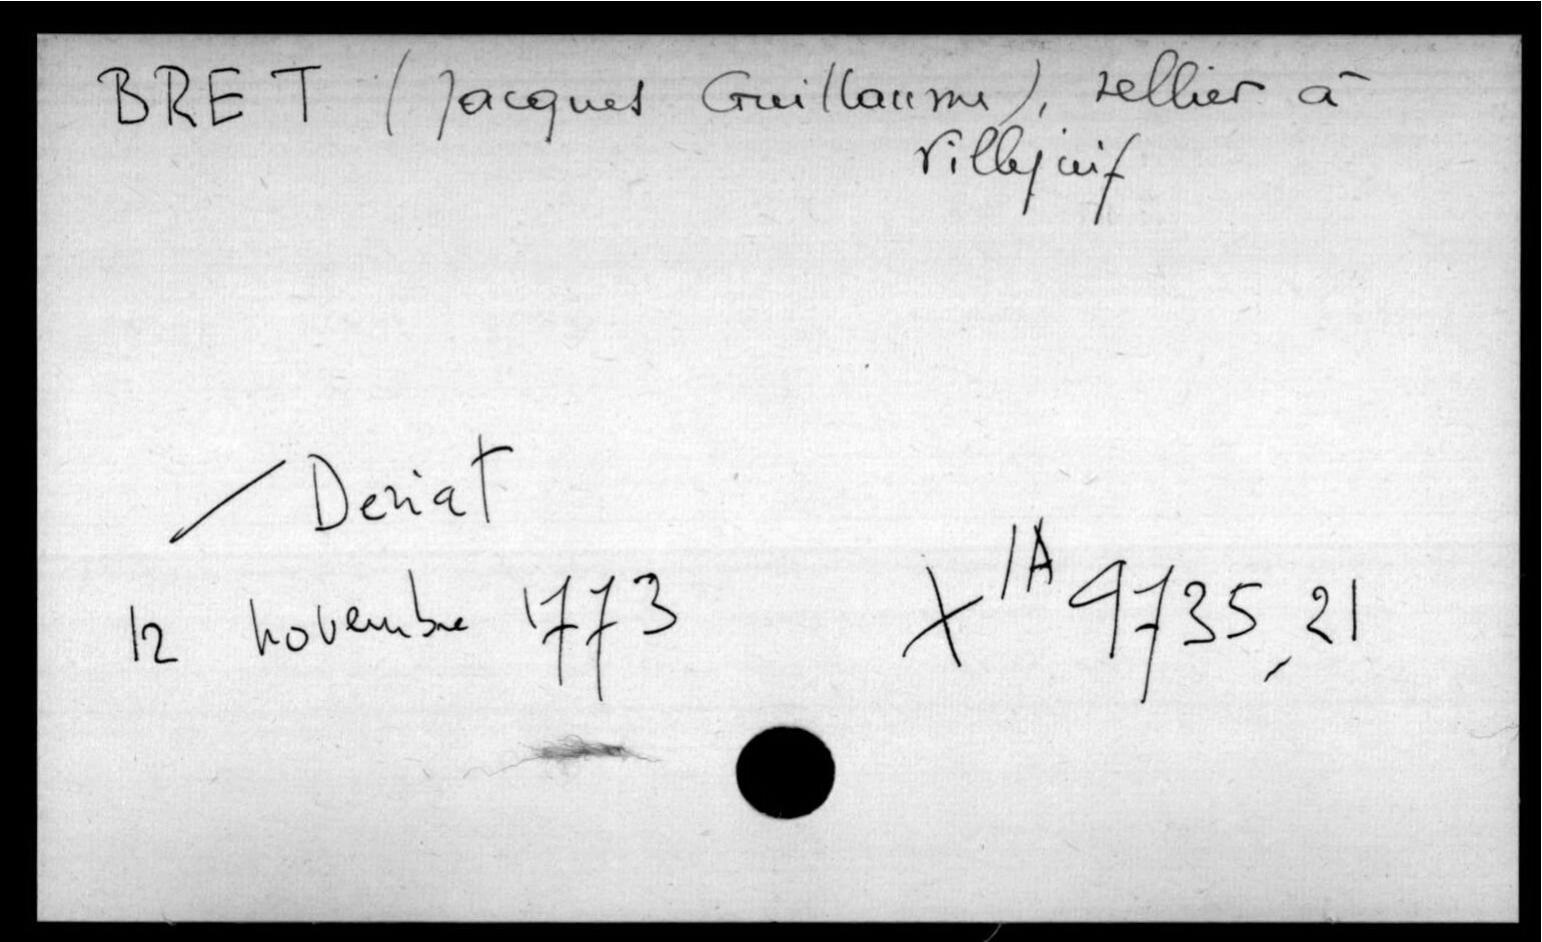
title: BRET (Jacques Guillaume), sellier à Villejuif
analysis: Contre Deriat
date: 12 novembre 1773
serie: X1A
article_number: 4735
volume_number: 21
